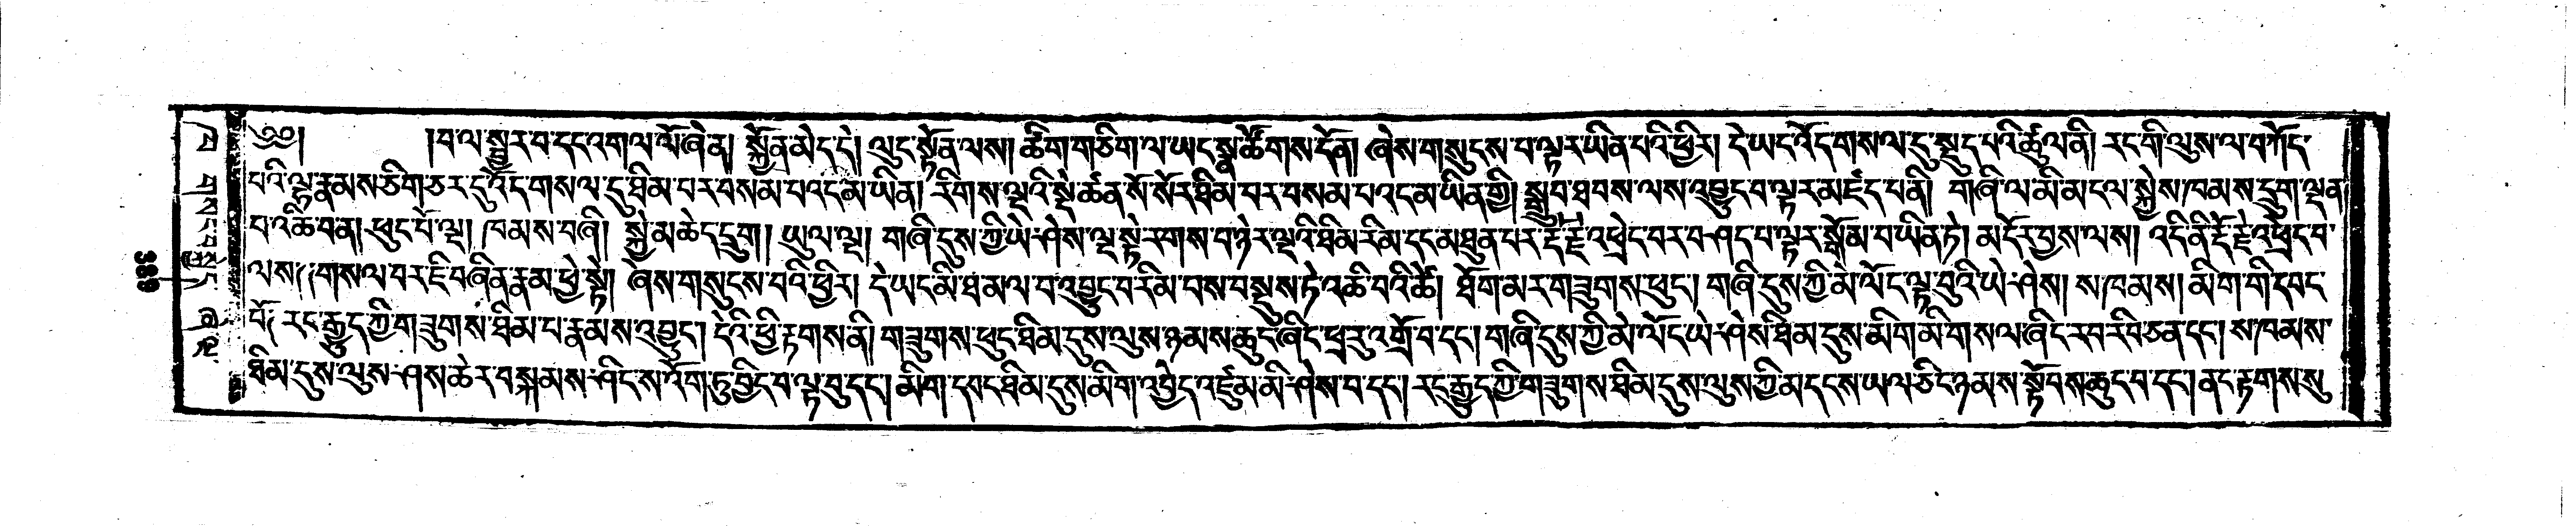༄༅། །བ་ལ་སྦྱར་བ་དང་འགལ་ལོ་ཞེ་ན། སྐྱོན་མེད་དེ། ལུང་སྟོན་ལས། ཚིག་གཅིག་ལ་ཡང་སྣ་ཚོགས་དོན། ཞེས་གསུངས་པ་ལྟར་ཡིན་པའི་ཕྱིར། དེ་ཡང་འོད་གསལ་དུ་སྡུད་པའི་ཚུལ་ནི། རང་གི་ལུས་ལ་བཀོད་
པའི་ལྷ་རྣམས་ཅིག་ཅར་དུ་འོད་གསལ་དུ་ཐིམ་པར་བསམ་པའང་མ་ཡིན། རིགས་ལྔའི་སྡེ་ཚན་སོ་སོར་ཐིམ་པར་བསམ་པའང་མ་ཡིན་གྱི། སྒྲུབ་ཐབས་ལས་འབྱུང་བ་ལྟར་མཛད་པ་ནི། གཞི་ལ་མི་མངལ་སྐྱེས་ཁམས་དྲུག་ལྡན་
པ་འཆི་བ་ན། ཕུང་པོ་ལྔ། ཁམས་བཞི། སྐྱེ་མཆེད་དྲུག །ཡུལ་ལྔ། གཞི་དུས་ཀྱི་ཡེ་ཤེས་ལྔ་སྟེ་རགས་བ་ཉེར་ལྔའི་ཐིམ་རིམ་དང་མཐུན་པར་རྡོ་རྗེ་འཕྲེང་བར་བཤད་པ་ལྟར་སྒོམ་པ་ཡིན་ཏེ། མདོར་བྱས་ལས། འདི་ནི་རྡོ་རྗེ་འཕྲེང་བ་
ལས༑ ༑གསལ་བར་ཇི་བཞིན་རྣམ་ཕྱེ་སྟེ། ཞེས་གསུངས་པའི་ཕྱིར། དེ་ཡང་མི་ཐ་མལ་བ་འབྱུང་བ་རིམ་པས་བསྡུས་ཏེ་འཆི་པའི་ཚེ། ཐོག་མར་གཟུགས་ཕུང་། གཞི་དུས་ཀྱི་མེ་ལོང་ལྟ་བུའི་ཡེ་ཤེས་ས་ཁམས་མིག་གི་དབང་
པོ༑ རང་རྒྱུད་ཀྱི་གཟུགས་ཐིམ་པ་རྣམས་འབྱུང་། དེའི་ཕྱི་རྟགས་ནི། གཟུགས་ཕུང་ཐིམ་དུས་ལུས་ཉམས་ཆུང་ཞིང་ཕྲ་རུ་འགྲོ་བ་དང་། གཞི་དུས་ཀྱི་མེ་ལོང་ཡེ་ཤེས་ཐིམ་དུས་མིག་མི་གསལ་ཞིང་རབ་རིབ་ཅན་དང་། ས་ཁམས་
ཐིམ་དུས་ལུས་ཤས་ཆེར་བསྐམས་ཤིང་ས་འོག་ཏུ་བྱིང་པ་ལྟ་བུ་དང་། མིག་དབང་ཐིམ་དུས་མིག་འབྱེད་འཛུམ་མི་ཤེས་པ་དང་། རང་རྒྱུད་ཀྱི་གཟུགས་ཐིམ་དུས་ལུས་ཀྱི་མདངས་ཡལ་ཅིང་ཉམས་སྟོབས་ཆུང་པ་དང་། ནང་རྟགས་སུ་